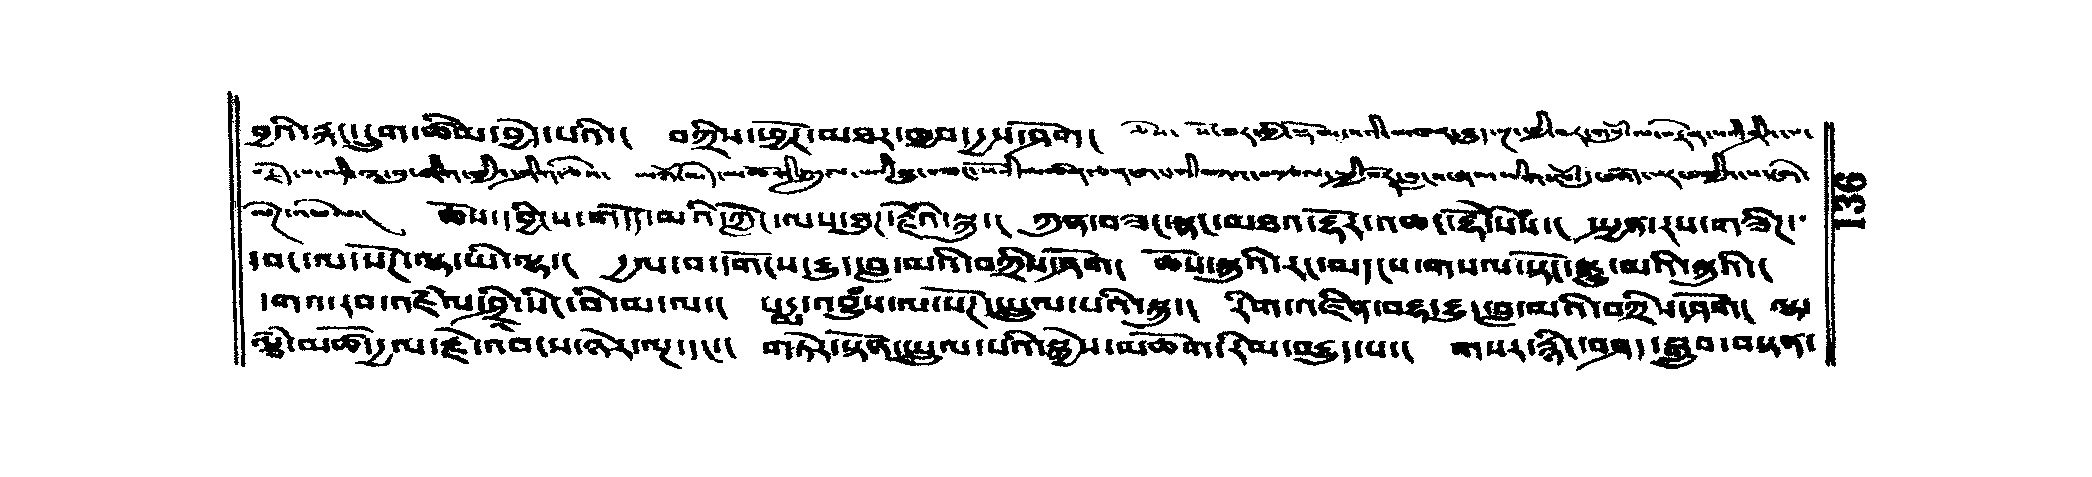བྱའི་རྐང་དྲུག་ཚིམ་བྱེད་པའི། བཀྲ་ཤིས་ཕྱོག་མཐར་ཁྱབ་རྒྱས་ཤོག ཅེས་སོ་ཐར་གྱི་སྡོམ་པའི་མཁན་རྒྱུད་སྔ་ཕྱི་བར་གསུམ་ལ་བརྟེན་པའི་ཤིས་པ་
བརྗོད་པ་འདི་ལྟ་བུ་ཞིག་གྱིས་ཤིག་ཅེས། མཉམ་མེད་མཆོག་གི་སྤྲུལ་པའི་སྐུ་བཟང་པོའི་མཚན་ཅན་གང་གི་བཀའ་སྩལ་སྤྱི་བོར་བླངས་ནས་ཡིག་ལམ་དུ་བཀོད་པར་བགྱིས་པ་དགེ་
ལེགས་འཕེལ།། ཆོས་དབྱིངས་གདོད་མའི་ཀློང་ལས་ཐུགས་རྗེའི་སྐུ། །ཀུན་བཟང་སྣང་མཐའ་རྡོར་འཆང་རྡོ་རྗེ་སེམས། །སྤྱན་རས་གཟིགས་
དབང་ལ་སོགས་ལྷ་ཡི་ལྷ། །རྒྱལ་བ་དགོངས་རྒྱུད་བླ་མའི་བཀྲ་ཤིས་ཤོག །ཆོས་སྐུའི་རང་མདངས་གསལ་སྟོང་སྒྱུ་མའི་སྐུའི། །
དགའ་རབ་འཇམ་དཔལ་ཤྲཱི་སིང་བི་མ་ལ། །པདྨ་འབྱུང་གནས་ལ་སོགས་སྤྲུལ་པའི་སྐུ། །རིག་འཛིན་བརྡ་རྒྱུད་བླ་མའི་བཀྲ་ཤིས་ཤོག །ལྷ་
ལྕམ་མཚོ་རྒྱལ་རྗེ་འབངས་ཉེར་ལྔ་དང་། །གཏེར་སྟོན་སྤྲུལ་པའི་སྐྱེས་མཆོག་རིམ་བརྒྱུད་པ། །གསར་རྙིང་བཤད་སྒྲུབ་བསྟན་